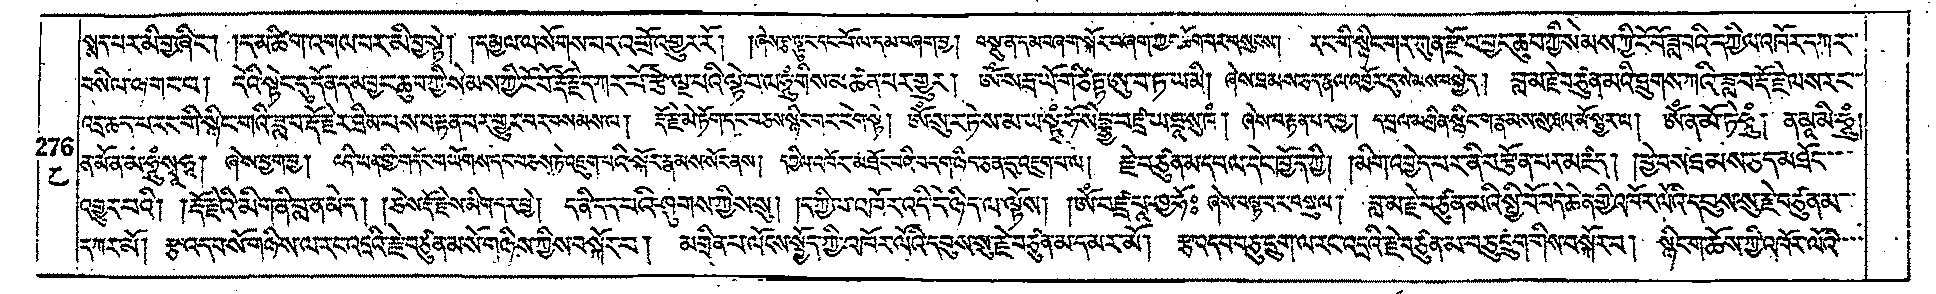སྨད་པར་མི་བྱ་ཞིང་། །དམ་ཚིག་འགལ་བར་མི་བྱ་སྟེ། །དམྱལ་ལ་སོགས་པར་འགྲོ་འགྱུར་རོ། །ཞེས་རྩ་ལྟུང་དང་པོ་ལ་དམ་བཞག་བྱ། བསྡུ་ན་དམ་བཞག་སྐོར་བཞག་ཀྱང་ཆོག་པར་གསུངས།  རང་གི་སྙིང་གར་ཀུན་རྫོབ་བྱང་ཆུབ་ཀྱི་སེམས་ཀྱི་ངོ་བོ་ཟླ་བའི་དཀྱིལ་འཁོར་དཀར་་་
བསིལ་ཉ་གང་བ། དེའི་སྟེང་དུ་དོན་དམ་བྱང་ཆུབ་ཀྱི་སེམས་ཀྱི་ངོ་བོ་རྡོ་རྗེ་དཀར་པོ་རྩེ་ལྔ་པའི་ལྟེ་བ་ལ་ཧཱུཾ་གིས་མཚན་པར་གྱུར། ཨོཾ་སརྦ་ཡོ་ག་ཙིཏྟ་ཨུ་བ་ཏ་ཡ་མི། ཞེས་ཐམས་ཅད་རྣལ་འབྱོར་དུ་སེམས་བསྐྱེད།  བླ་མ་རྗེ་བཙུན་མའི་ཐུགས་ཀའི་ཟླ་བ་རྡོ་རྗེ་ལས་རང་་་
འདྲ་ཆད་པ་རང་གི་སྙིང་གའི་ཟླ་བ་རྡོ་རྗེར་ཐིམ་པས་བརྟན་པར་གྱུར་པར་བསམས་ལ། རྡོ་རྗེ་མེ་ཏོག་དང་བཅས་སྙིང་གར་རེག་སྟེ།  ཨོཾ་སུ་ར་ཏེ་ས་མ་ཡ་སྟྭཾ་ཧོ་སིདྡྷྱ་བྫྲ་ཡ་ཐཱ་སུ་ཁཾ། ཞེས་བརྟན་པར་བྱ། དཔྲལ་མགྲིན་སྙིང་ག་རྣམས་སུ་ཐལ་མོ་སྦྱར་ལ།  ཨོཾ་ན་མོ་ཏེ་ཧཱུཾ། ན་མཱ་མི་ཧཱུཾ།
ན་མོ་ན་མ་ཧཱུཾ་སྭཱཧཱ། ཞེས་ཕྱག་བྱ། འདི་ཡན་གྱི་གདོང་གཡོགས་དང་བཅས་ཏེ་འཇུག་པའི་སྐོར་རྣམས་སོང་ནས། དཀྱིལ་འཁོར་མཐོང་བའི་བདག་ཉིད་ཅན་དུ་འཇུག་པ་ལ།  རྗེ་བཙུན་མ་དཔལ་དེང་ཁྱོད་ཀྱི། །མིག་འབྱེད་པར་ནི་བརྩོན་པར་མཛད། །ཕྱེ་བས་ཐམས་ཅད་མཐོང་་་
འགྱུར་བའི། །རྡོ་རྗེའི་མིག་ནི་བླ་ན་མེད། །ཅེས་རྡོ་རྗེས་མིག་དར་ཕྱེ། ད་ནི་དད་པའི་ཤུགས་ཀྱིས་སུ། །དཀྱིལ་འཁོར་འདི་དེ་ཉིད་ལ་ལྟོས། །ཨོཾ་བྫྲ་པའི་ཤྱ་ཧོཿ ཞེས་བལྟ་བར་བསྐུལ།  བླ་མ་རྗེ་བཙུན་མའི་སྤྱི་བོ་བདེ་ཆེན་གྱི་འཁོར་ལོའི་དབུས་སུ་རྗེ་བཙུན་མ་་་
དཀར་མོ། རྩ་འདབ་སོ་གཉིས་ལ་རང་འདྲའི་རྗེ་བཙུན་མ་སོ་གཉིས་ཀྱིས་བསྐོར་བ། མགྲིན་པ་ལོངས་སྤྱོད་ཀྱི་འཁོར་ལོའི་དབུས་སུ་རྗེ་བཙུན་མ་དམར་མོ། རྩ་འདབ་བཅུ་དྲུག་ལ་རང་འདྲའི་རྗེ་བཙུན་མ་བཅུ་དྲུག་གིས་བསྐོར་བ། སྙིང་ག་ཆོས་ཀྱི་འཁོར་ལོའི་་་